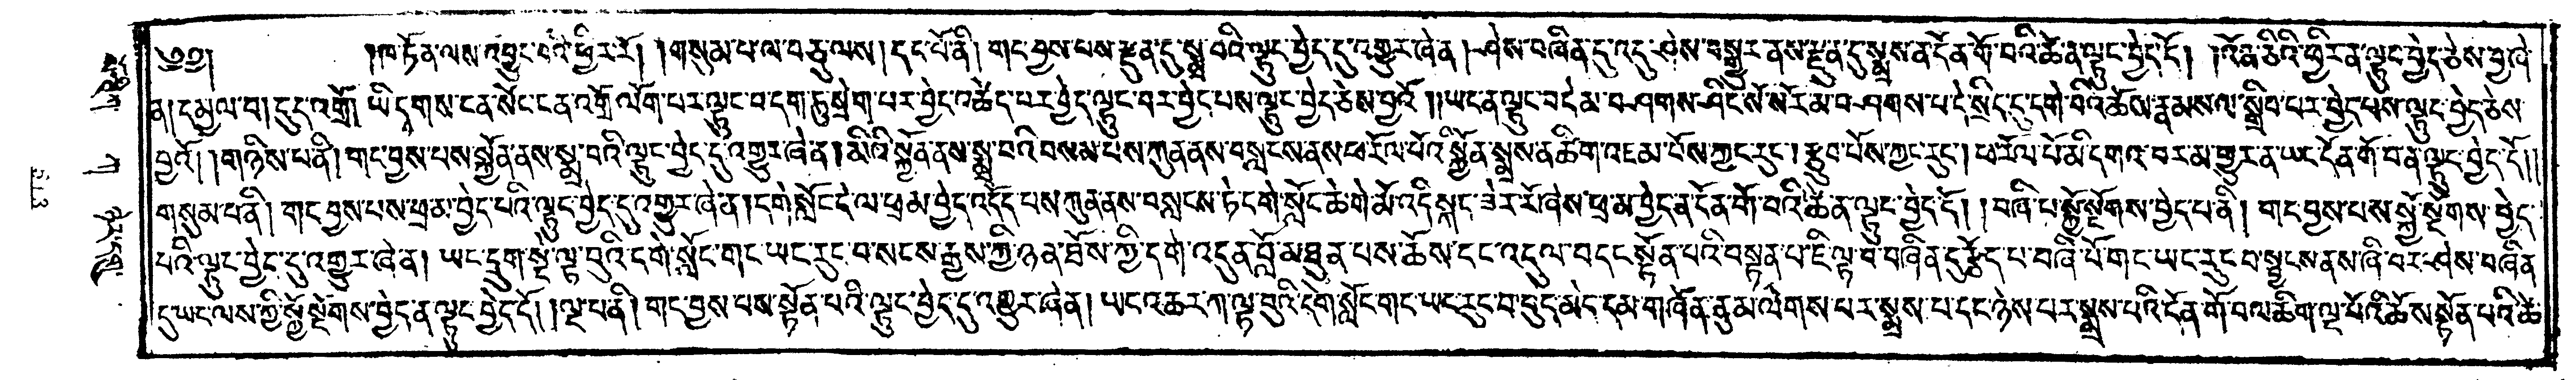༄༅། །ཁ་ཏོན་ལས་འབྱུང་བའི་ཕྱིར་རོ། །གསུམ་པ་ལ་བཅུ་ལས། དང་པོ་ནི། གང་བྱས་པས་རྫུན་དུ་སྨྲ་བའི་ལྟུང་བྱེད་དུ་འགྱུར་ཞེ་ན། ཤེས་བཞིན་དུ་འདུ་ཤེས་བསྒྱུར་ནས་རྫུན་དུ་སྨྲས་ན་དོན་གོ་བའི་ཚེ་ན་ལྟུང་བྱེད་དོ། །འོ་ན་ཅིའི་ཕྱིར་ན་ལྟུང་བྱེད་ཅེས་བྱ་ཞེ་
ན། དམྱལ་བ། དུད་འགྲོ། ཡི་དྭགས་ངན་སོང་ངན་འགྲོ་ལོག་པར་ལྟུང་བ་དག་ཏུ་སྲེག་པར་བྱེད་འཚེད་པར་བྱེད་ལྟུང་བར་བྱེད་པས་ལྟུང་བྱེད་ཅེས་བྱའོ། །ཡང་ན་ལྟུང་བདེ་མ་བཤགས་ཤིང་སོར་མ་བཤགས་པ་དེ་སྲིད་དུ་དགེ་བའི་ཆོས་རྣམས་ལ་སྒྲིབ་པར་བྱེད་པས་ལྟུང་བྱེད་ཅེས་
བྱའོ། །གཉིས་པ་ནི། གང་བྱས་པས་སྐྱོན་ནས་སྨྲ་བའི་ལྟུང་བྱེད་དུ་འགྱུར་ཞེ་ན། མིའི་སྐྱོན་ནས་སྨྲ་བའི་བསམ་པས་ཀུན་ནས་བསླངས་ནས་ཕ་རོལ་པོའི་སྐྱོན་སྨྲས་ན་ཚིག་འཇམ་པོས་ཀྱང་རུང་། རྩུབ་པོས་ཀྱང་རུང་། ཕ་རོལ་པོ་མི་དགའ་བར་མ་གྱུར་ན་ཡང་དོན་གོ་བ་ན་ལྟུང་བྱེད་དོ།།
གསུམ་པ་ནི། གང་བྱས་པས་ཕྲ་མ་བྱེད་པའི་ལྟུང་བྱེད་དུ་འགྱུར་ཞེ་ན། དགེ་སློང་དེ་ལ་ཕྲམ་བྱེད་འདོད་པས་ཀུན་ནས་བསླངས་ཏེ་དགེ་སློང་ཆེ་གེ་མོ་འདི་སྐད་ཟེར་རོ་ཞེས་ཕྲ་མ་བྱེད་ན་དོན་གོ་བའི་ཚེ་ན་ལྟུང་བྱེད་དོ། །བཞི་པ་སྐྱོ་སྔོགས་བྱེད་པ་ནི། གང་བྱས་པས་སྐྱོ་སྔོགས་བྱེད་
པའི་ལྟུང་བྱེད་དུ་འགྱུར་ཞེ་ན། ཡང་དྲུག་སྡེ་ལྟ་བུའི་དགེ་སློང་གང་ཡང་རུང་བ་སངས་རྒྱས་ཀྱི་ཉན་ཐོས་ཀྱི་དགེ་འདུན་བློ་མཐུན་པས་ཆོས་དང་འདུལ་བ་དང་སྟོན་པའི་བསྟན་པ་ཇི་ལྟ་བ་བཞིན་དུ་རྩོད་པ་བཞི་པོ་གང་ཡང་རུང་བ་སྦྱངས་ནས་ཞི་བར་ཤེས་བཞིན་
དུ་ཡང་ལས་ཀྱི་སྐྱོ་སྔོགས་བྱེད་ན་ལྟུང་བྱེད་དོ། །ལྔ་པ་ནི། གང་བྱས་པས་སྟོན་པའི་ལྟུང་བྱེད་དུ་འགྱུར་ཞེ་ན། ཡང་འཆར་ཀ་ལྟ་བུའི་དགེ་སློང་གང་ཡང་རུང་བ་བུད་མེད་དམ་གཞོན་ནུ་མ་ལེགས་པར་སྨྲས་པ་དང་ཉེས་པར་སྨྲས་པའི་དོན་གོ་བ་ལ་ཚིག་ལྔ་པོའི་ཆོས་སྟོན་པའི་ཚེ་